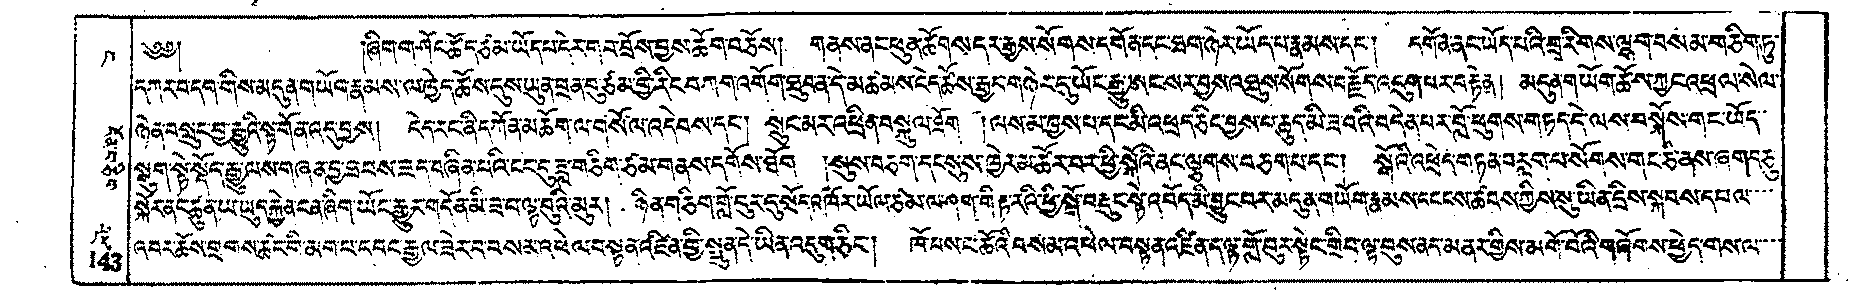༄༅། །ཞིག་གཤོང་ཚོད་ཙམ་ཡོད་པ་དེར་གབ་བྲོས་བྱས་ཆོག་བཅོས། གནས་ནང་ཕུན་ཚོགས་དར་རྒྱས་སོགས་དགོན་དང་ཐག་ཉེར་ཡོད་པ་རྣམས་དང་། དགོན་ནང་ཡོད་པའི་གྲྭ་རིགས་ལྷག་བསམ་གཅིག་ཏུ་
དཀར་བ་དག་གིས་མདུན་གཡོག་རྣམས་ལ་ཁྱེད་ཚོས་དུས་ཡུན་ཕྲན་བུ་ཙམ་གྱི་རིང་བཀག་འགོག་ཐུབ་ན་དེ་མཚམས་ངེད་ཚོས་རྒྱབ་གཉེར་དུ་ཡོང་རྒྱུ་ཨང་སར་བྱས་འཐུས་སོགས་བརྗོད་འདུག་པར་བརྟེན། མདུན་གཡོག་ཚོས་ཀྱང་འཕྲལ་སེལ་
ཉེན་བསྲུང་བྱ་རྒྱུའི་སྟ་གོན་འདུ་བྱས། ངེད་རང་ནི་དཀོན་མཆོག་ལ་གསོལ་འདེབས་དང་། སྲུང་མར་འཕྲིན་བསྐུལ་ཐོག །ལས་མ་བྱས་པ་དང་མི་འཕྲད་ཅིང་བྱས་པ་ཆུད་མི་ཟ་བའི་བདེན་པར་བློ་ཕུགས་གཏད་དེ་ལས་བསྐོས་གང་ཡོད་
སྒུག་སྟེ་སྡོད་རྒྱུ་ལས་གཞན་བྱ་ཐབས་ཟད་བཞིན་པའི་ངང་དུ་ཟླ་གཅིག་ཙམ་གནས་དགོས་ཐོག །སུས་བཅག་དང་སུས་ཁྱེར་མ་ཚོར་བར་ཕྱི་སྒོའི་ནང་ལྕགས་བཅག་པ་དང་། སྒོའི་འཕྲེད་གཏན་བརླག་པ་སོགས་གང་ཅི་ནས་ཞག་བཅུ་
སྐོར་ནང་ཚུན་ཡ་ཡུད་རྐྱེན་ངན་ཞིག་ཡོང་རྒྱུར་གདོན་མི་ཟ་བ་ལྟ་བུའི་མུར། ཉིན་གཅིག་གློ་བུར་དུ་སྲོད་འཁོར་ཡོལ་ཙམ་ལ་ཤག་གི་རྟ་རའི་ཕྱི་སྒོ་བརྡུང་སྟེ་འབོད་མི་བྱུང་བར་མདུན་གཡོག་རྣམས་དངངས་ཚབས་ཀྱིས་སུ་ཡིན་དྲིས་སྐབས་དཔལ་
འབར་ཆོས་གྲགས་ཚང་གི་མག་པ་དབང་རྒྱལ་ཟེར་བ་བསམ་འཕེལ་བསྟན་འཛིན་གྱི་སྤུན་དེ་ཡིན་འདུག་ཅིང་། ཁོ་པས་ང་ཚོའི་བསམ་འཕེལ་བསྟན་འཛིན་ད་ལྟ་གློ་བུར་སྟེང་གྲིབ་ལྟ་བུས་ནད་མནར་གྱིས་མགོ་བོའི་གཞོགས་ཕྱེད་གས་ལ་